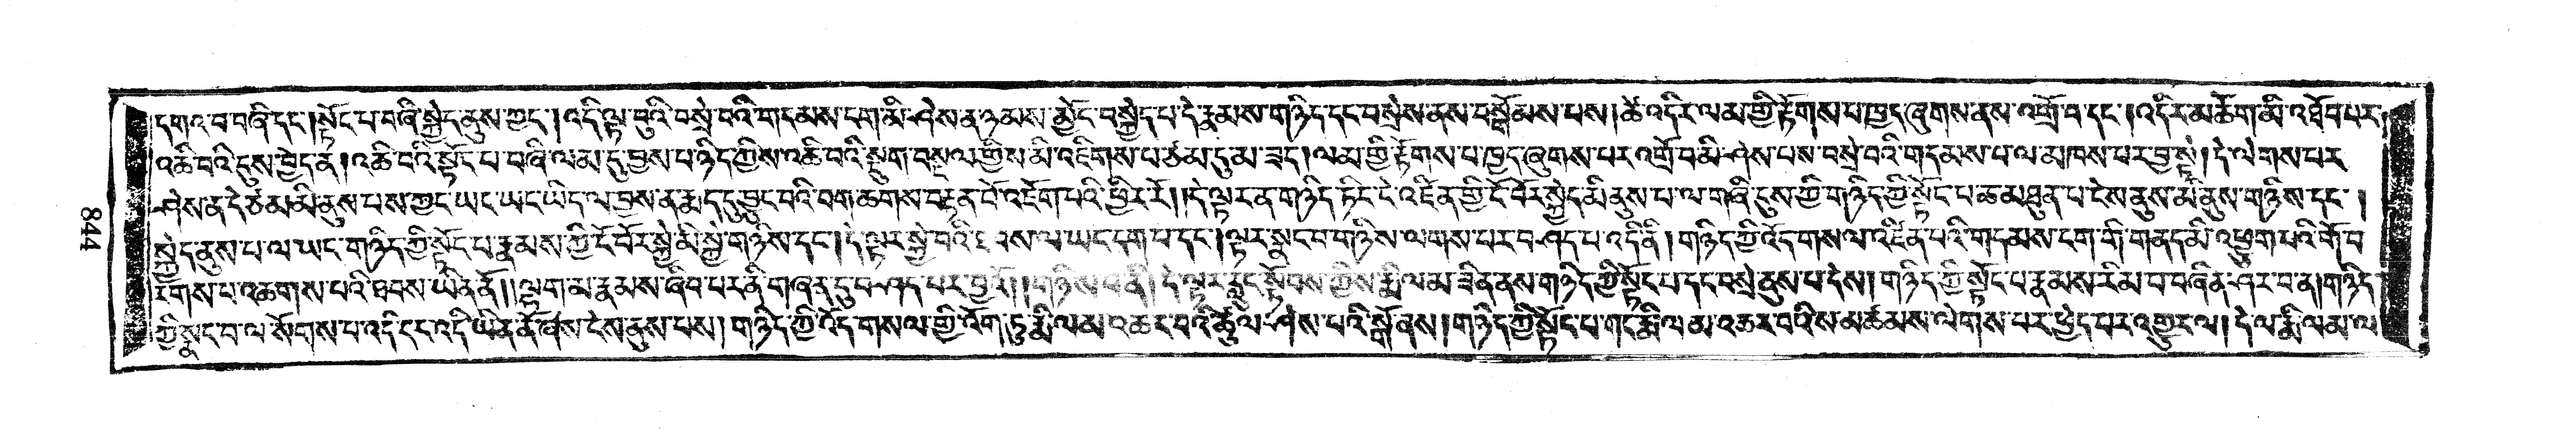དགའ་བ་བཞི་དང་། སྟང་པ་བཞི་སྐྱེད་ནུས་ཀྱང་། འདི་ལྟ་བུའི་བསྲེ་བའི་གདམས་ངག་མི་ཤེས་ན་ཉམས་མྱོང་བསྐྱེད་པ་དེ་རྣམས་གཉིད་དང་བསྲེས་ནས་བསྒོམས་པས། ཚེ་འདིར་ལམ་གྱི་རྟོགས་པ་ཁྱད་ཞུགས་ནས་འགྲོ་བ་དང་། འདིར་མཆོག་མི་འཐོབ་པར་
འཆི་བའི་དུས་བྱེད་ན། འཆི་བའི་སྟོང་པ་བཞི་ལམ་དུ་བྱས་པ་ཉིད་ཀྱིས་འཆི་བའི་སྡུག་བསྔལ་གྱིས་མི་འཇིགས་པ་ཙམ་དུ་མ་ཟ་ཟད། ལམ་གྱི་རྟོགས་པ་ཁྱད་ཞུགས་པར་འགྲོ་བ་མི་ཤེས་པས་བསྲེ་བའི་གདམས་པ་ལ་མཁས་པར་བྱ་སྟེ། དེ་ལེགས་པར་
ཤེས་ན་དེ་ཙམ་མི་ནུས་པས་ཀྱང་ཡང་ཡང་ཡིད་ལ་བྱས་ན་རྨད་དུ་བྱུང་བའི་བག་ཆགས་བརྟན་པོ་འཇོག་པའི་ཕྱིར་རོ། །དེ་ལྟར་ན་གཉིད་ཏིང་ངེ་འཛིན་གྱི་ངོ་བོར་སྐྱེད་མི་ནུས་པ་ལ་གཞི་དུས་ཀྱི་གཉིད་ཀྱི་སྟོང་པ་ཆ་མཐུན་པ་ངེས་ནུས་མི་ནུས་གཉིས་དང་།
སྐྱེད་ནུས་པ་ལ་ཡང་གཉིད་ཀྱི་སྟོང་པ་རྣམས་ཀྱི་ངོ་བོར་སྐྱེ་མི་སྐྱེ་གཉིས་དང་། དེ་ལྟར་སྐྱེ་བའི་ཐབས་ལ་ཡང་དག་པ་དང་། ལྟར་སྣང་བ་གཉིས་ལགས་པར་བཤད་པ་འདི་ནི། གཉིད་ཀྱི་འོད་གསལ་འཛིན་པའི་གདམས་ངག་གི་གནད་མི་འཕྱུག་པའི་གོ་བ་
རགས་བ་འཆགས་པའི་ཐབས་ཡིན་ནོ། །ལྷག་མ་རྣམས་ཞིབ་པར་ནི་གཞན་དུ་བཤད་པར་བྱའོ། །གཉིས་པ་ནི། དེ་ལྟར་རླུང་སྟོབས་ཀྱིས་རྨི་ལམ་ཟིན་ནས་གཉིད་ཀྱི་སྟོང་པ་དང་བསྲེ་ནུས་པ་དེས། གཉིད་ཀྱི་སྟོང་པ་རྣམས་རིམ་པ་བཞིན་ཤར་བ་ན། གཉིད་
ཀྱི་སྣང་བ་ལ་སོགས་པ་འདི་དང་འདི་ཡིན་ནོ་ཞེས་ངེས་ནུས་པས། གཉིད་ཀྱི་འོད་གསལ་གྱི་འོག་ཏུ་རྨི་ལམ་འཆར་བའི་ཚུལ་ཤེས་པའི་སྒོ་ནས། གཉིད་ཀྱི་སྟོང་པ་དང་རྨི་ལམ་འཆར་བའི་ས་མཚམས་ལེགས་པར་ཕྱེད་པར་འགྱུར་ལ། དེ་ལ་རྨི་ལམ་ལ་